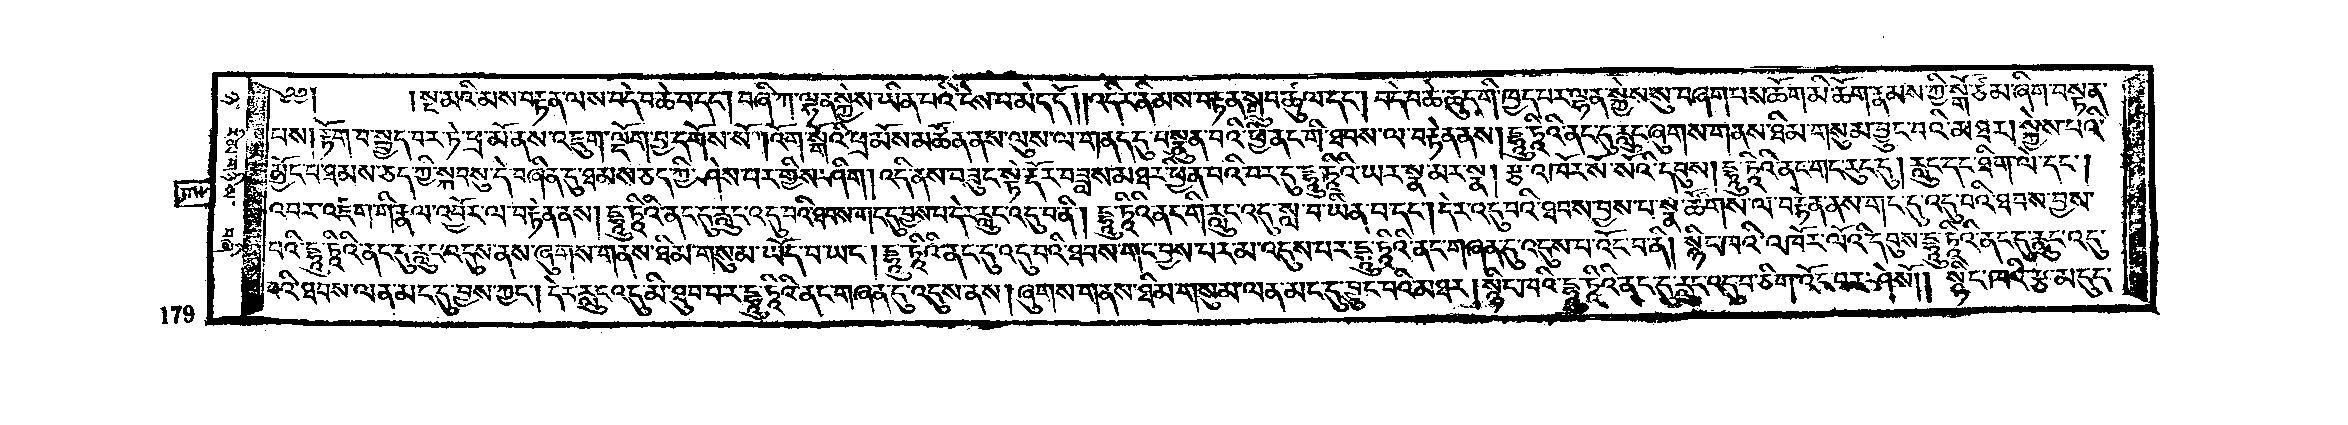༄༅། །སྔ་མའི་མས་བརྟན་ལས་བདེ་བ་ཆེ་བ་དང་། བཞི་ཀ་ལྷན་སྐྱེས་ཡིན་པའི་ངེས་པ་མེད་དོ། །འདིར་ནི་མས་བརྟན་སྒྲུབ་ཚུལ་དང་། བདེ་བ་ཆེ་ཆུང་གི་ཁྱད་པར་ལྷན་སྐྱེས་སུ་བཞག་པས་ཆོག་མི་ཆོག་རྣམས་ཀྱི་སྒོ་ཙམ་ཞིག་བསྟན་
པས། རྟོག་བ་སྤྱད་པར་ཏེ་ཕྲ་མོ་ནས་འཇུག་ལྡོག་བྱ་དགོས་སོ། །འོག་སྒོའི་ཕྲ་མོས་མཚོན་ནས་ལུས་ལ་གནད་དུ་བསྣུན་བའི་ཕྱི་ནང་གི་ཐབས་ལ་བརྟེན་ནས། དྷཱུ་ཏཱིའི་ནང་དུ་རླུང་ཞུགས་གནས་ཐིམ་གསུམ་བྱུང་བའི་མཐར། སྐྱེས་པའི་
མྱོང་བ་ཐམས་ཅད་ཀྱི་སྐབས་སུ་དེ་བཞིན་དུ་ཐམས་ཅད་ཀྱི་ཤེས་པར་གྱིས་ཤིག །འདི་ནས་བཟུང་སྟེ་རྡོར་བཟླས་མཐར་ཕྱིན་པའི་བར་དུ་དྷཱུ་ཏཱིའི་ཡར་སྣ་མར་སྣ། རྩ་འཁོར་སོ་སོའི་དབུས། དྷཱུ་ཏཱིའི་ནང་གང་རུང་དུ། རླུང་དང་ཐིག་ལེ་དང་།
འབར་འཛག་གི་རྣལ་འབྱོར་ལ་བརྟེན་ནས། དྷཱུ་ཏཱིའི་ནང་དུ་རླུང་འདུ་བའི་ཐབས་གང་དུ་བྱས་པ་དེར་རླུང་འདུ་བ་ནི། དྷཱུ་ཏཱིའི་ནང་གི་རླུང་འདུ་སླ་བ་ཡིན་པ་དང་། དེར་འདུ་བའི་ཐབས་བྱས་པ་སྣ་ཚོགས་ལ་བརྟེན་ནས་གོང་དུ་འདུ་བའི་ཐབས་བྱས་
པའི་དྷཱུ་ཏཱིའི་ནང་དུ་རླུང་འདུས་ནས་ཞུགས་གནས་ཐིམ་གསུམ་ཡོད་པ་ཡང་། དྷཱུ་ཏཱིའི་ནང་དུ་འདུ་བའི་ཐབས་གང་བྱས་པར་མ་འདུས་པར་དྷཱུ་ཏཱིའི་ནང་གཞན་དུ་འདུས་པ་འོང་བ་ནི། སྙིང་ཁའི་འཁོར་ལོའི་དབུས་དྷཱུ་ཏཱིའི་ནང་དུ་རླུང་འདུ་
བའི་ཐབས་ལན་མང་དུ་བྱས་ཀྱང་། དེར་རླུང་འདུ་མི་ཐུབ་པར་དྷཱུ་ཏཱིའི་ནང་གཞན་དུ་འདུས་ནས། ཞུགས་གནས་ཐིམ་གསུམ་ལན་མང་དུ་བྱུང་བའི་མཐར། སྙིང་ཁའི་དྷཱུ་ཏཱིའི་ནང་དུ་རླུང་འདུ་བ་ཅིག་འོང་བར་ཤེས་སོ། །སྙིང་ཁའི་རྩ་མདུད་